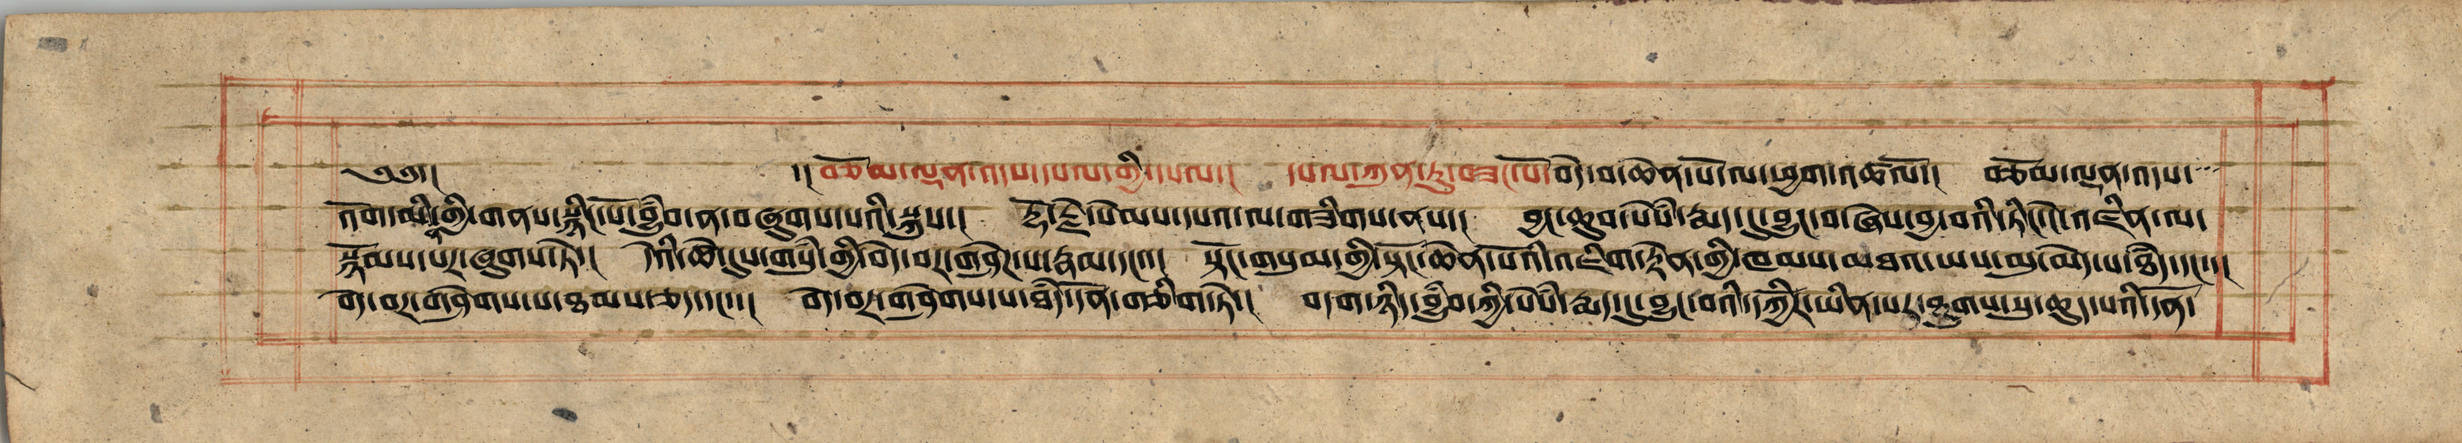༄༅་། ་།བཅོམ་ལྡན་འདས་དཔལ་གྱི་དཔལ་། དཔལ་ཀུན་ཏུ་བཟང་པོ་བདེ་བ་ཆེན་པོ་ལ་ཕྱག་འཚལོ་། བཅོམ་ལྡན་འདས་
འོག་མིན་གྱི་གནས་སྙིང་པོ་བྱུཾབ་ན་བཞུགས་པའི་སྐུས་། རྡོ་རྗེ་སེམས་དཔའ་ལ་གཟིགས་ནས་། བྱང་ཆུབ་སེཾས་རྨད་དུ་བྱུང་བ་ཞེས་བྱ་བའི་ཏིང་ངེ་འཛིན་ལ་
སྙོམས་པར་ཞུགས་ཏེ་། དེའི་ཚེ་དུས་གསུཾ་གྱི་བདེ་བར་གཤེཌ་པ་རྣམ་དང་་། སྟོང་གསུམ་གྱི་སྟོང་ཆེན་པོའི་འཇིག་རྟེན་གྱི་ཁམས་མཐའ་ཡས་མུ་མེད་པ་ཐཾད་དང་་།
བདེ་བར་གཤེགས་པ་ཐམས་ཅད་དང་་། བདེ་བར་གཤེགས་པ་ཐཾད་དོན་གཅིག་ཏེ་། བདག་ཉིད་བྱུཾབ་ཀྱི་སེཾས་རྨད་དུ་བྱུང་བའི་དཀྱིོར་ཡིན་པར་ཐུགས་སུ་ཆུད་པའི་དོན་